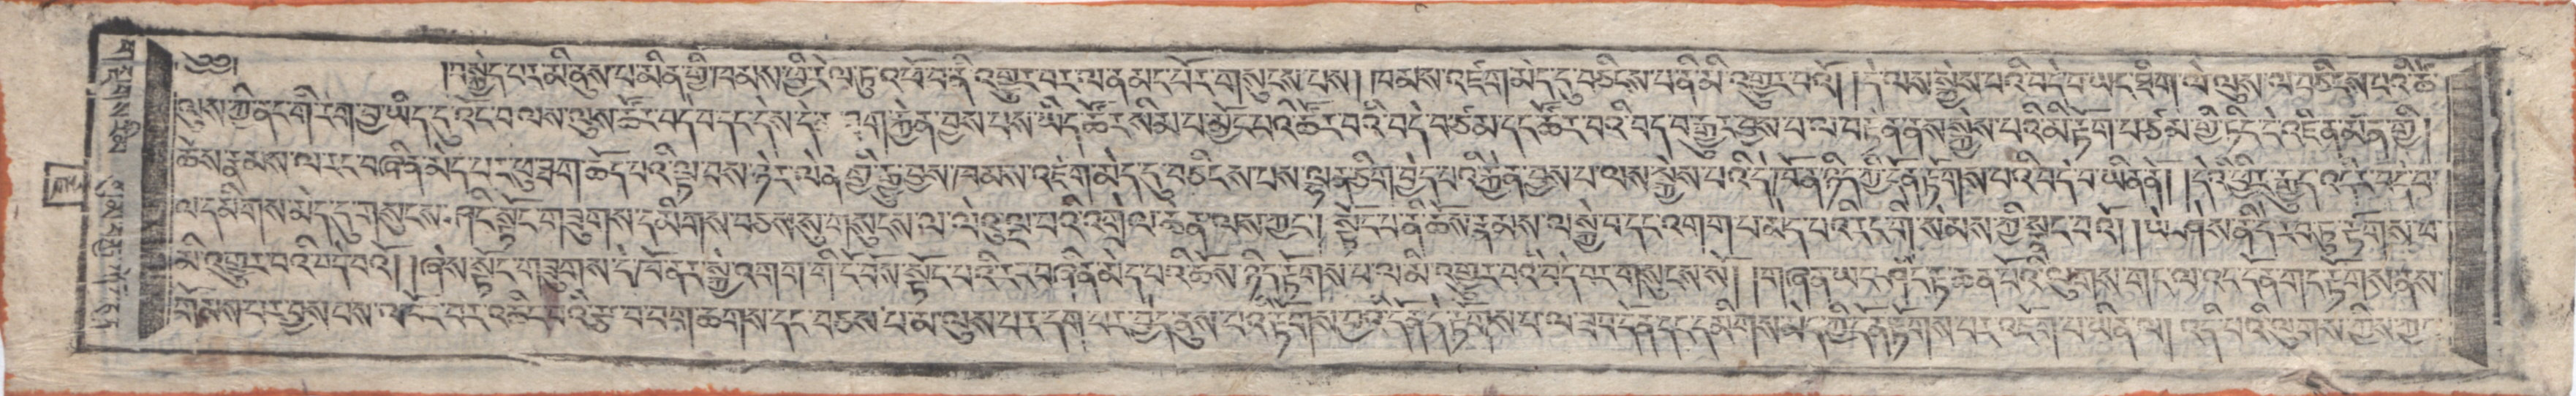༄༅། །བསྐྱེད་པར་མི་ནུས་པ་མིན་གྱི་ཁམས་ཕྱི་རོལ་ཏུ་འཕོ་བ་ནི་འགྱུར་བར་ལ་ན་མང་པོར་གསུངས་པས། ཁམས་འཛག་མེད་དུ་བཅིངས་པ་ནི་མི་འགྱུར་བའོ། །དེ་ལས་སྐྱེས་པའི་བདེ་བ་ཡང་ཐིག་ལེ་ལུས་ལ་བཅིངས་པའི་ཚེ་
ལུས་ཀྱི་ནང་གི་རེག་བྱ་ཡིད་དུ་འོང་བ་ལས་ལུས་ཚོར་བདེ་བ་དང་དེས་དེ་མ་ཐག་རྐྱེན་བྱས་པས་ཡིད་ཚོར་སིམ་པ་མྱོང་པའི་ཚོར་བའི་བདེ་བ་ཙམ་དང་ཚོར་བའི་བདེ་བ་རྒྱུར་བྱས་པ་ལ་བརྟེན་ནས་སྐྱེས་པའི་མི་རྟོག་པ་ཙམ་གྱི་ཏིང་ངེ་འཛིན་མིན་གྱི།
ཆོས་རྣམས་ལ་རང་བཞིན་མེད་པར་ཕུ་ཐག་ཆོད་པའི་ལྟ་བས་ཉེར་ལེན་གྱི་རྒྱུ་བྱས་ཁམས་འཇོག་མེད་དུ་བཅིངས་པས་ལྷན་ཅིག་བྱེད་པའི་རྐྱེན་བྱས་པ་ལས་སྐྱེས་པའི་དེ་ཁོ་ན་ཉིད་ཀྱི་དོན་རྟོགས་པའི་བདེ་བ་ཡིན་ནོ། །དེའི་ཕྱིར་རྒྱུད་འདིར་བདེ་བ་
ལ་དམིགས་མེད་དུ་གསུངས་ཤིང་སྟོང་གཟུགས་དམིགས་བཅས་སུ་གསུངས་ལ་ལེའུ་ལྔ་པའི་འགྲེལ་ཆེན་ལས་ཀྱང་། སྟོང་པ་ནི་ཆོས་རྣམས་ལ་སྐྱེ་བ་དང་འགག་པ་མེད་པའི་རང་གི་སེམས་ཀྱི་སྣང་བའོ། །ཡེ་ཤེས་ནི་དེ་རབ་ཏུ་རྟོགས་པ་
མི་འགྱུར་བའི་བདེ་བའོ། །ཞེས་སྟོང་གཟུགས་དེ་ཁོ་ནར་སྐྱེ་འགག་གི་ངོ་བོས་སྟོང་པའི་རང་བཞིན་མེད་པའི་ཆོས་ཉིད་རྟོགས་པ་ལ་མི་འགྱུར་བའི་བདེ་བར་གསུངས་སོ། །གཞན་ཡང་ཤིང་རྟ་ཆེན་པོའི་ལུགས་གང་ལ་འང་དོན་གང་རྟོགས་ནས་
གོམས་པར་བྱས་པས་འཁོར་བར་འཆིང་བའི་རྩ་བ་བག་ཆགས་དང་བཅས་པ་མ་ལུས་པར་དག་པར་བྱེད་ནུས་པའི་རྟོགས་བྱའི་དོན་དེ་རྟོགས་པ་ལ་ཟབ་དོན་དང་དམིགས་མེད་ཀྱི་དོན་རྟོགས་པར་འཇོག་པ་ཡིན་ལ། འདི་པའི་ལུགས་ཀྱིས་ཀྱང་